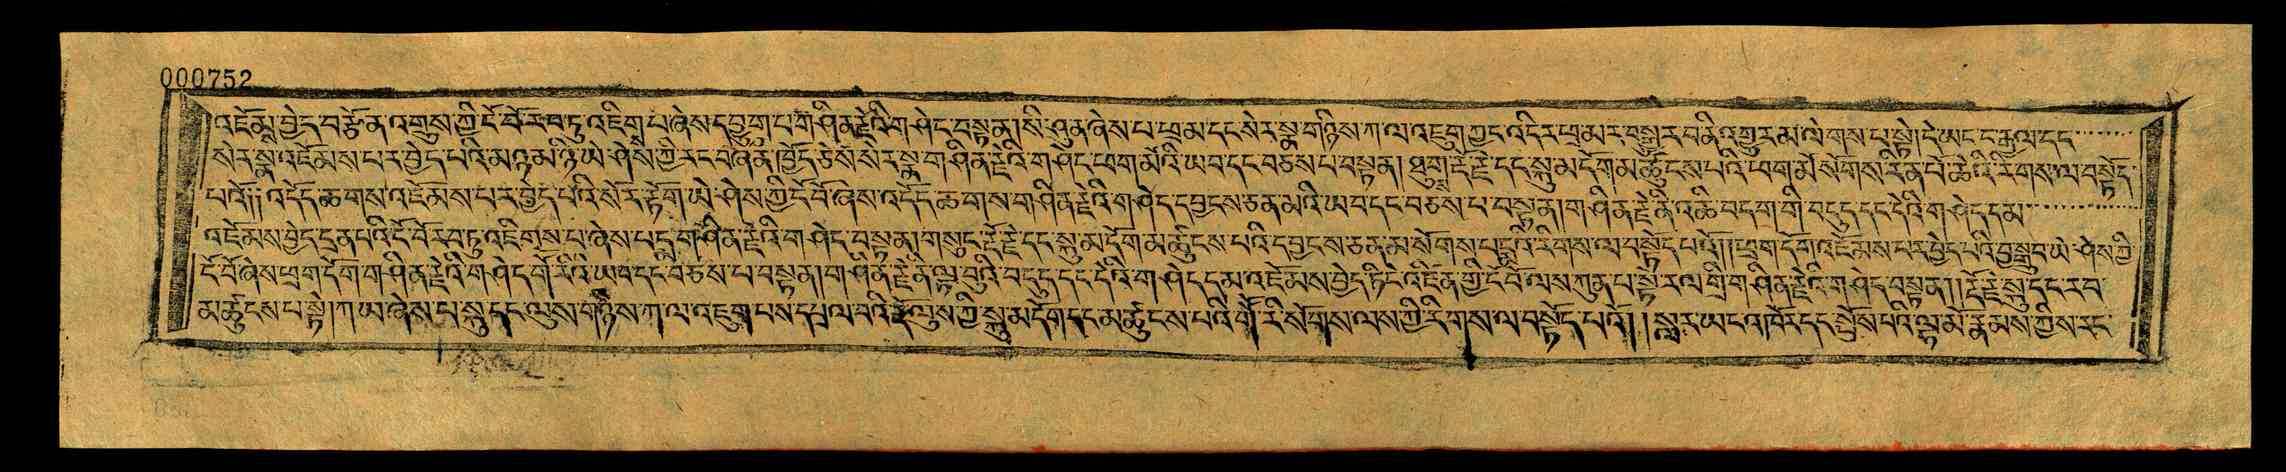འཇོམས་བྱེད་བརྩོན་འགྲུས་ཀྱི་ངོ་བོ་རབ་ཏུ་འཇིགས་པ་ཞེས་དབྱུག་པ་གཤིན་རྗེའི་གཤེད་བསྟན། སི་ཤུ་ན་ཞེས་པ་ཕྲ་མ་དང་སེར་སྣ་གཉིས་ཀ་ལ་འཇུག་ཀྱང་འདིར་ཕྲ་མར་བསྒྱུར་བ་ནི་འགྱུར་མ་ལེགས་པ་སྟེ། དེ་ཡང་ང་རྒྱལ་དང་
སེར་སྣ་འཇོམས་པར་བྱེད་པའི་མཉམ་ཉིད་ཡེ་ཤེས་ཀྱི་རང་བཞིན་ཁྱོད་ཅེས་སེར་སྣ་གཤིན་རྗེའི་གཤེད་ཕག་མོའི་ཡབ་དང་བཅས་པ་བསྟན། ཐུགས་རྡོ་རྗེ་དང་སྐུ་མདོག་མཚུངས་པའི་ཕག་མོ་སོགས་རིན་པོ་ཆེའི་རིགས་ལ་བསྟོད་
པའོ༑ ༑འདོད་ཆགས་འཇོམས་པར་བྱེད་པའི་སོར་རྟོག་ཡེ་ཤེས་ཀྱི་ངོ་བོ་ཞེས་འདོད་ཆགས་གཤིན་རྗེའི་གཤེད་དབྱངས་ཅན་མའི་ཡབ་དང་བཅས་པ་བསྟན། གཤིན་རྗེ་ནི་འཆི་བདག་གི་བདུད་དང་དེའི་གཤེད་དམ་འཇོམས་བྱེད་
དྲན་པའི་ངོ་བོར་རབ་ཏུ་འཇིགས་པ་ཞེས་པདམ་གཤིན་རྗེའི་གཤེད་བསྟན། གསུང་རྡོ་རྗེ་དང་སྐུ་མདོག་མཚུངས་པའི་དབྱངས་ཅན་མ་སོགས་པདམའི་རིགས་ལ་བསྟོད་པའོ། །ཕྲག་དོག་འཇོམ་པར་བྱེད་པའི་བྱ་སྒྲུབ་ཡེ་ཤེས་ཀྱི་ངོ་བོ་
ཞེས་ཕྲག་དོག་གཤིན་རྗེའི་གཤེད་གཽ་རིའི་ཡབ་དང་བཅས་པ་བསྟན། གཤིན་རྗེ་ནི་ལྷ་བུའི་བདུད་དང་དེའི་གཤེད་དམ་འཇོམས་བྱེད་ཏིང་ངེ་འཛིན་གྱི་ངོ་བོ་ལས་ཀུན་པ་སྟེར་ལ་གྲི་གཤིན་རྗེའི་གཤེད་བསྟན། རྡོ་རྗེ་སྐུ་དང་རབ་
མཚུངས་པ་སྟེ། ཀཱ་ཡ་ཞེས་པ་སྐུ་དང་ལུས་གཉིས་ཀ་ལ་འཇུག་པས་དཔྲལ་བའི་རྡོ་ལུས་ཀྱི་སྐུ་མདོག་དང་མཚུངས་པའི་གཽ་རེ་སོགས་ལས་ཀྱི་རིགས་ལ་བསྟོད་པའོ། །སླར་ཡང་འཁོར་དང་སྤྲོས་པའི་ལྷ་མོ་རྣམས་ཀྱིས་རང་